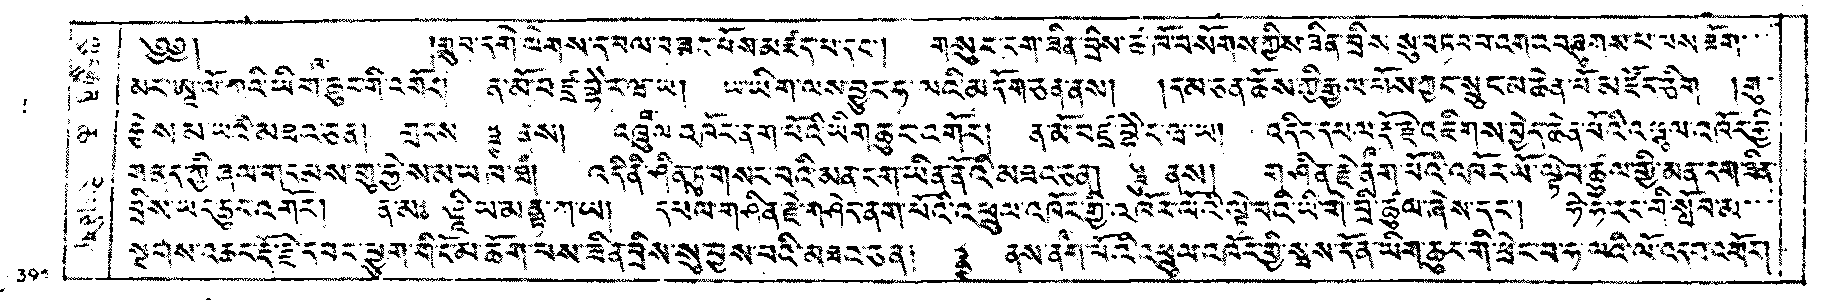༄༅། །གྲུབ་དགེ་ལེགས་དཔལ་བཟང་པོས་མཛད་པ་དང་། གསུང་ངག་ཟིན་བྲིས་ཚ་ཁོ་བ་སོགས་ཀྱིས་ཟིན་བྲིས་སུ་བཏབ་པ་འགའ་བཞུགས་པ་ལས་ཐོག་
མར་ཨཱ་ལོ་ཀའི་ཡིག་ཁ་ཆུང་གི་འགོར། ན་མོ་བཛྲ་བྷཻ་ར་ཝ་ཡ། ཡ་ཡིག་ལས་བྱུང་ཧ་ལའི་མདོག་ཅན་ནས། །དམ་ཅན་ཆོས་ཀྱི་རྒྱལ་པོས་ཀྱང་སྲུང་མ་ཆེན་པོ་མཛོད་ཅིག །གུ་
ཧྱེ་ས་མ་ཡའི་མཐའ་ཅན། གྲངས ༥་བ ༤་ནས། ཁ་འཁྲུལ་འཁོར་ནག་པོའི་ཡིག་ཆུང་འགོར། ན་མོ་བཛྲ་བྷཻ་ར་ཝ་ཡ། འདིར་དཔལ་རྡོ་རྗེ་འཇིགས་བྱེད་ཆེན་པོའི་འཕྲུལ་འཁོར་གྱི་
གནད་ཀྱི་ཞལ་གདམས་གུ་ཧྱེ་ས་མ་ཡ་ཁ་ཐཾ། འདི་ནི་ཤིན་ཏུ་གསང་བའི་མན་ངག་ཡིན་ནོའི་མཐའ་ཅན། ༦་བ ༦་ནས། གཤིན་རྗེ་ཁ་ནག་པོའི་འཁོར་ལོ་ལྟེབ་ཚུལ་གྱི་མན་ངག་ཟིན་
བྲིས་ཡང་ཆུང་འགོར། ན་མཿ ཤྲཱི་ཡ་མནྟ་ཀ་ཡ། དཔལ་གཤིན་རྗེ་གཤེད་ནག་པོའི་འཕྲུལ་འཁོར་གྱི་འཁོར་ལོའི་ལྟེ་བའི་ཡི་གེ་བྲི་ཚུལ་ཞེས་དང་། ཧེ་ཧེ་རང་གི་སློབ་མ་
སྔགས་འཆང་རྡོ་རྗེ་དབང་ཕྱུག་གི་ངོ་མ་ཆོག་པས་ཟིན་བྲིས་སུ་བྱས་པའི་མཐའ་ཅན། ༨་ན ༤་ནས་ཁ་ནག་པོའི་འཕྲུལ་འཁོར་གྱི་སྦས་དོན་ཡིག་ཆུང་གི་ཕྲེང་བ་ཧ་ལའི་ལོ་འདབ་འགོར།